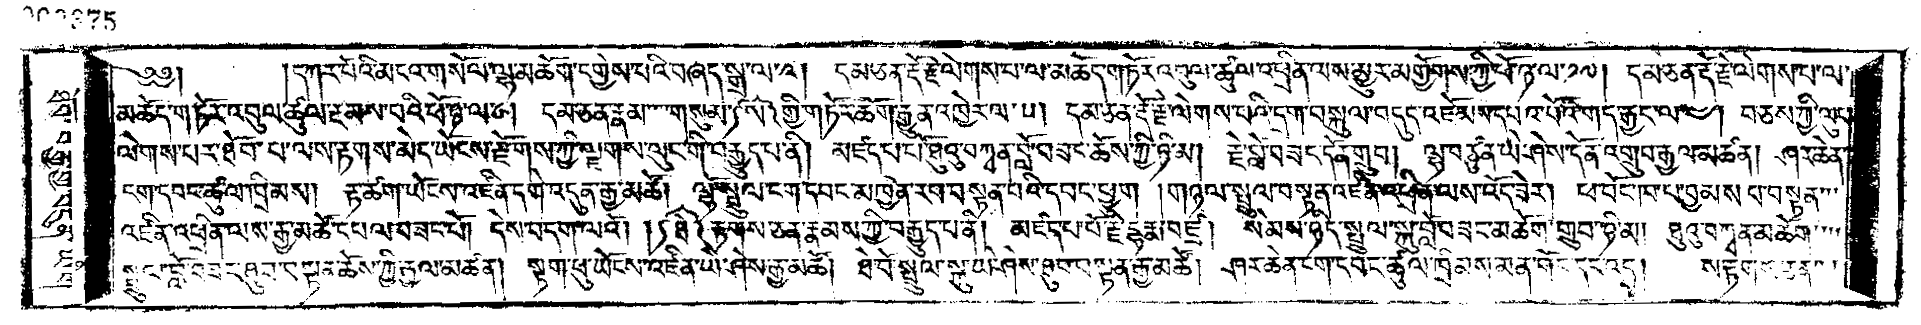༄༅། །དཀར་པོའི་མངའ་གསོལ་ལྷ་མཆོག་དགྱེས་པའི་བཞད་སྒྲ་ལ ༢། དམ་ཅན་རྡོ་རྗེ་ལེགས་པ་ལ་མཆོད་གཏོར་འབུལ་ཚུལ་འཕྲིན་ལས་མྱུར་མགྱོགས་ཀྱི་ཕོ་ཉ་ལ ༡༧། དམ་ཅན་རྡོ་རྗེ་ལེགས་པ་ལ་
མཆོད་གཏོར་འབུལ་ཚུལ་རྔམས་པའི་ཕོ་ཉ་ལ ༦། དམ་ཅན་རྣམ་གསུམ ༼ས༽ གྱི་གཏོར་ཆོག་རྒྱུན་འཁྱེར་ལ ༥། དམ་ཅན་རྡོ་རྗེ་ལེགས་པའི་དྲག་བསྐུལ་བདུད་འཇོམས་དཔའ་བོའི་གད་རྒྱང་ལ ༤། བཅས་ཀྱི་ལུང་
ལེགས་པར་ཐོབ་པ་ལས་རྟགས་མེད་ཡོངས་རྫོགས་ཀྱི་ལྗགས་ལུང་གི་བརྒྱུད་པ་ནི། མཛད་པ་པོ་ཐུའུ་བཀྭན་བློ་བཟང་ཆོས་ཀྱི་ཉི་མ། རྗེ་བློ་བཟང་དོན་གྲུབ། ལྷ་བཙུན་ཡེ་ཤེས་དོན་འགྲུབ་རྒྱལ་མཚན། ཤར་ཆེན་
ངག་དབང་ཚུལ་ཁྲིམས། རྟ་ཚག་ཡོངས་འཛིན་དགེ་འདུན་རྒྱ་མཚོ། ལྷོ་སྤྲུལ་ངག་དབང་མཁྱེན་རབ་བསྟན་པའི་དབང་ཕྱུག །གཉལ་སྤྲུལ་བསྟན་འཛིན་འཕྲིན་ལས་འོད་ཟེར། ཕ་བོང་ཁ་པ་བྱམས་པ་བསྟན་
འཛིན་འཕྲིན་ལས་རྒྱ་མཚོ་དཔལ་བཟང་པོ། དེས་བདག་ལའོ། །༼ཐེ༽ རྟགས་ཅན་རྣམས་ཀྱི་བརྒྱུད་པ་ནི། མཛད་པ་པོ་རྗེ་དྷརྨ་བཛྲ། སེམས་ཉིད་སྤྲུལ་སྐུ་བློ་བཟང་མཆོག་གྲུབ་ཉི་མ། ཐུའུ་བཀྭན་མཆོག་
སྤྲུལ་བློ་བཟང་ཐུབ་བསྟན་ཆོས་ཀྱི་རྒྱལ་མཚན། སྟག་ཕུ་ཡོངས་འཛིན་ཡེ་ཤེས་རྒྱ་མཚོ། ཐེ་བོ་སྤྲུལ་སྐུ་ཡེ་ཤེས་ཐུབ་བསྟན་རྒྱ་མཚོ། ཤར་ཆེན་ངག་དབང་ཚུལ་ཁྲིམས་མན་གོང་དང་འདྲ། ས་རྟགས་ཅན་